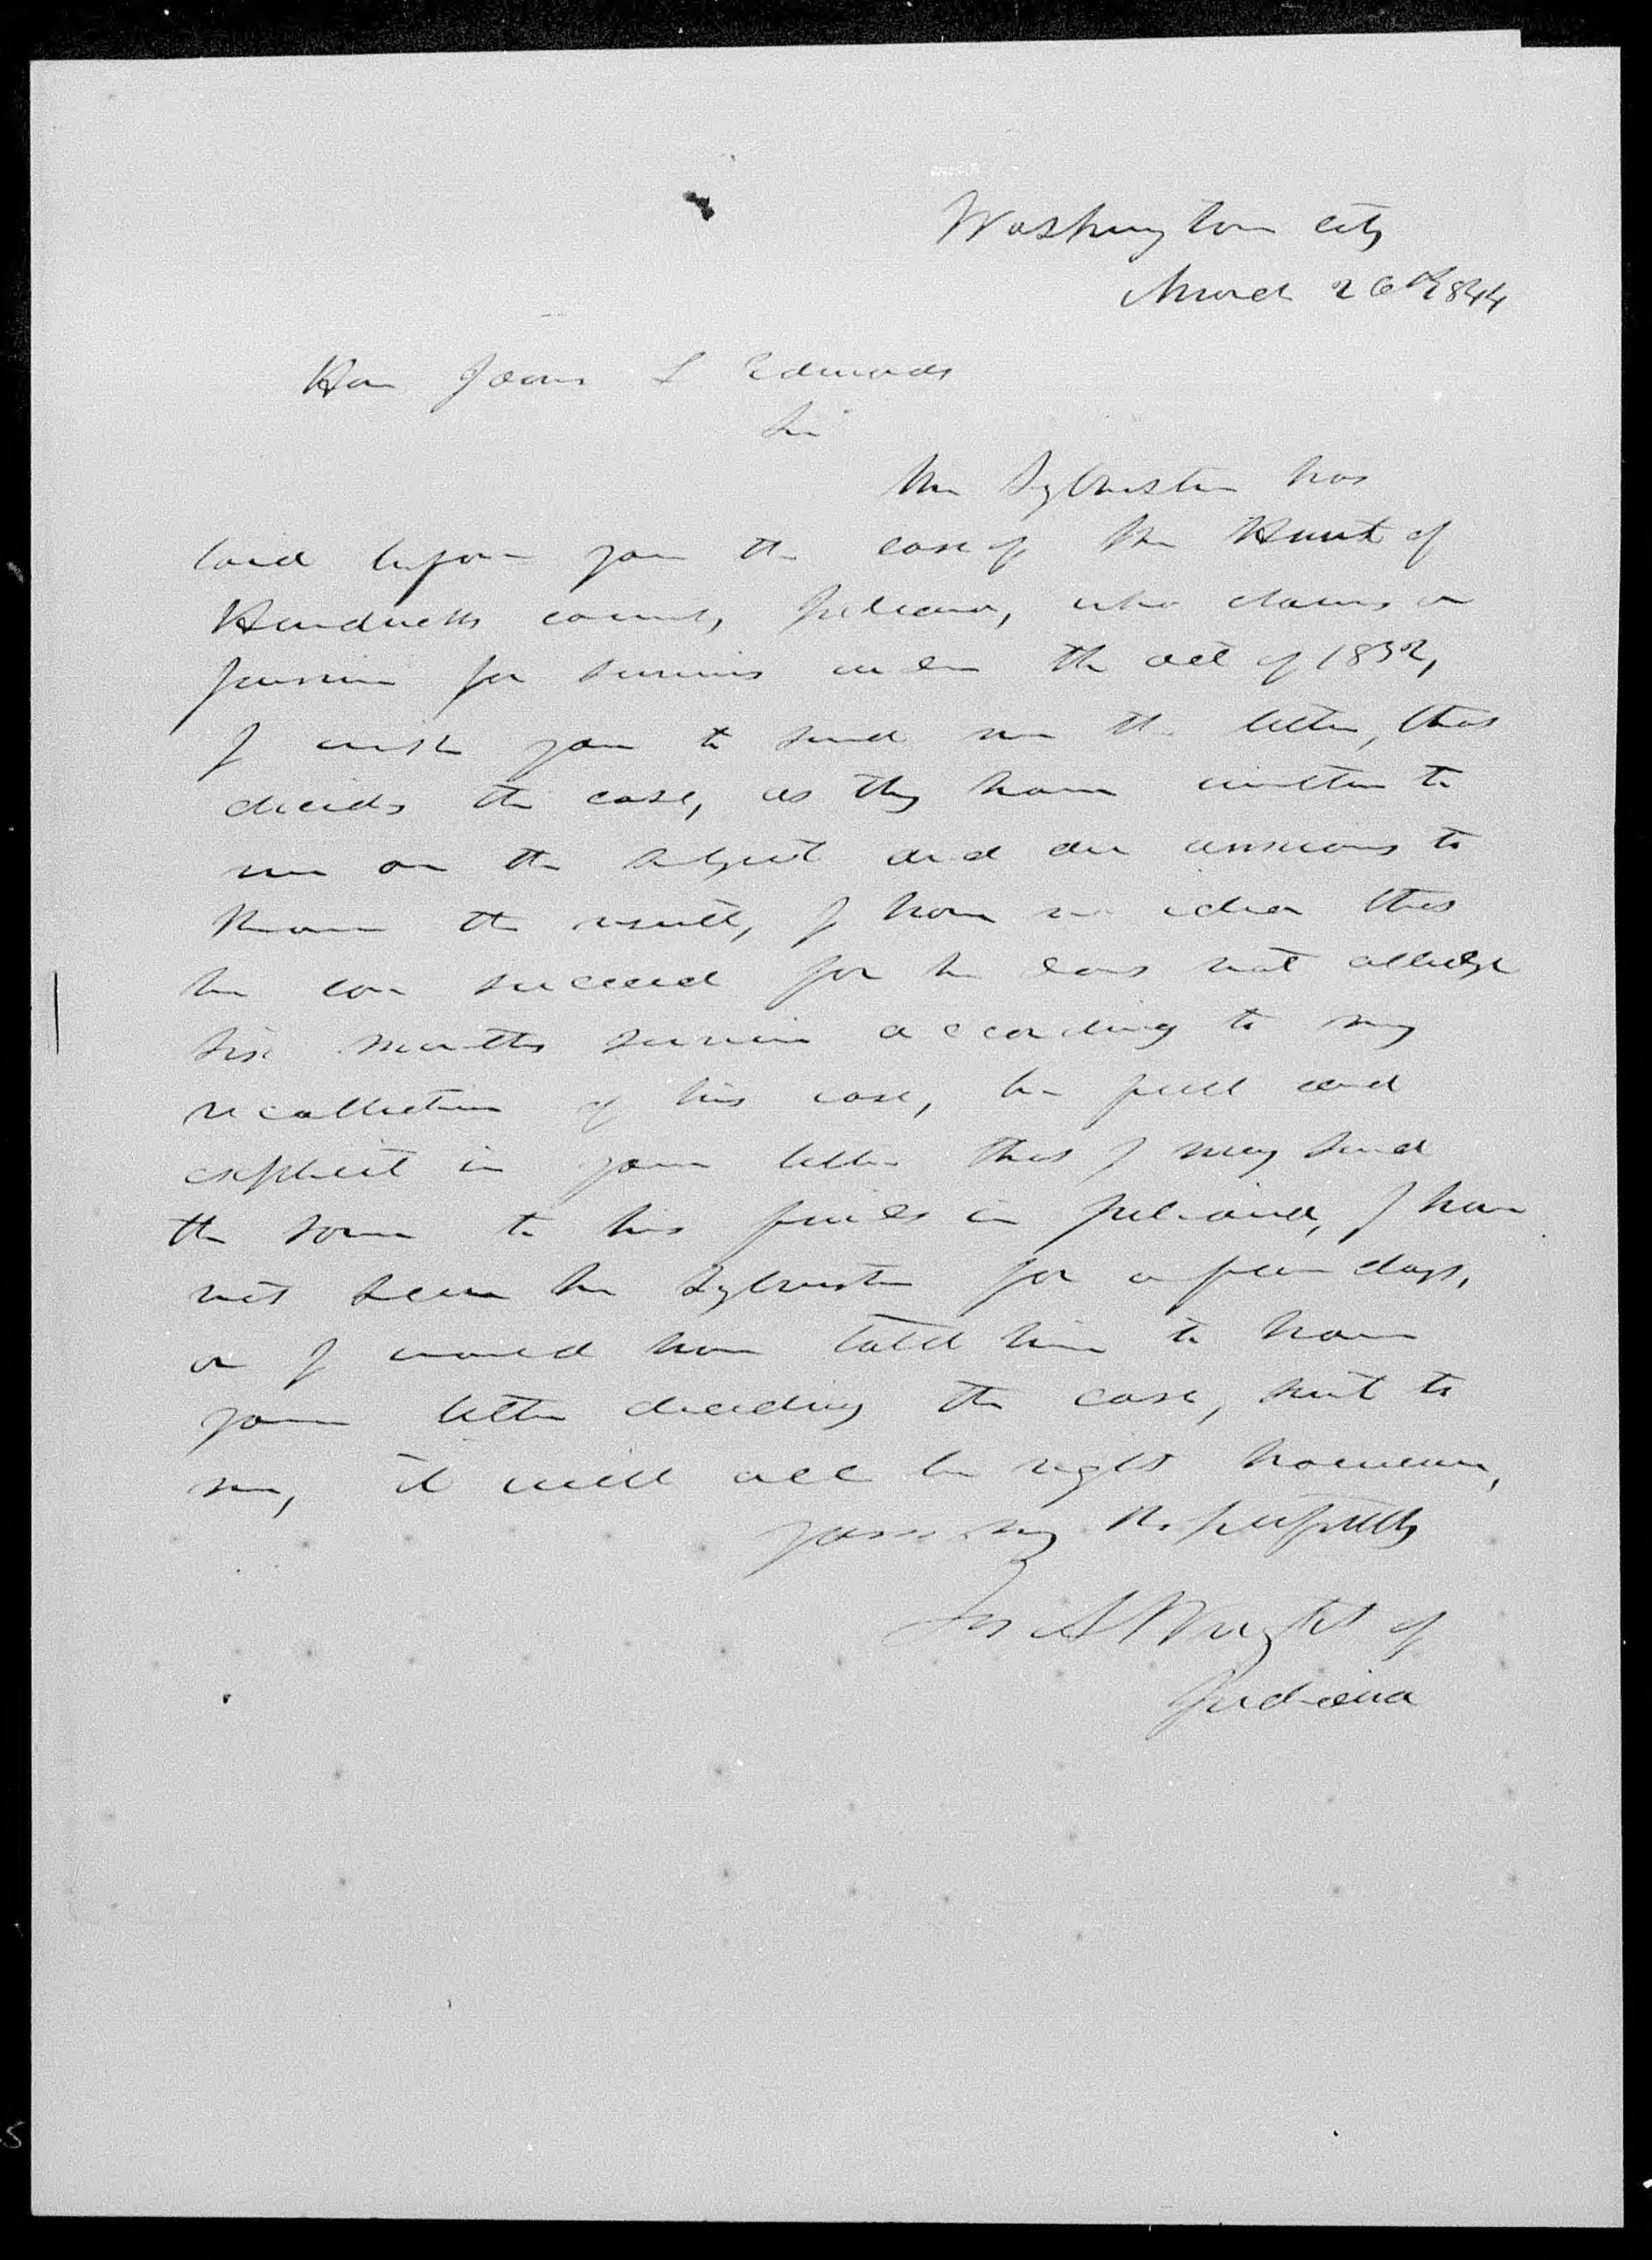Washington City
March 26, 1844
Hon James L. Edwards
Sir:
Mr. Sylvester has laid before you the case of  Isr. Hunt of Hendricks County, Indiana, who claims a pensions for services under the act of 1832.  I ask you to send me the letter that decides the case, as they have written to me on the subject and are curious to know the result.  I have no idea this same can succeed for he does not allege six months service according to my recollection of his case, be full and explicit in your letter that I may send the same to his family in Indiana.  I have not seen Mr. Sylvester for a few days or I would have told him to have your letter deciding the case sent to me.  It will all be right however,
Yours respectfully.
Jos. A Wright of
Indiana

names: Jos A White; James L Edwards; [BLANK] Hunt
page: 18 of 18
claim: rejected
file: R. 5393, for Israel Hunt, New Jersey